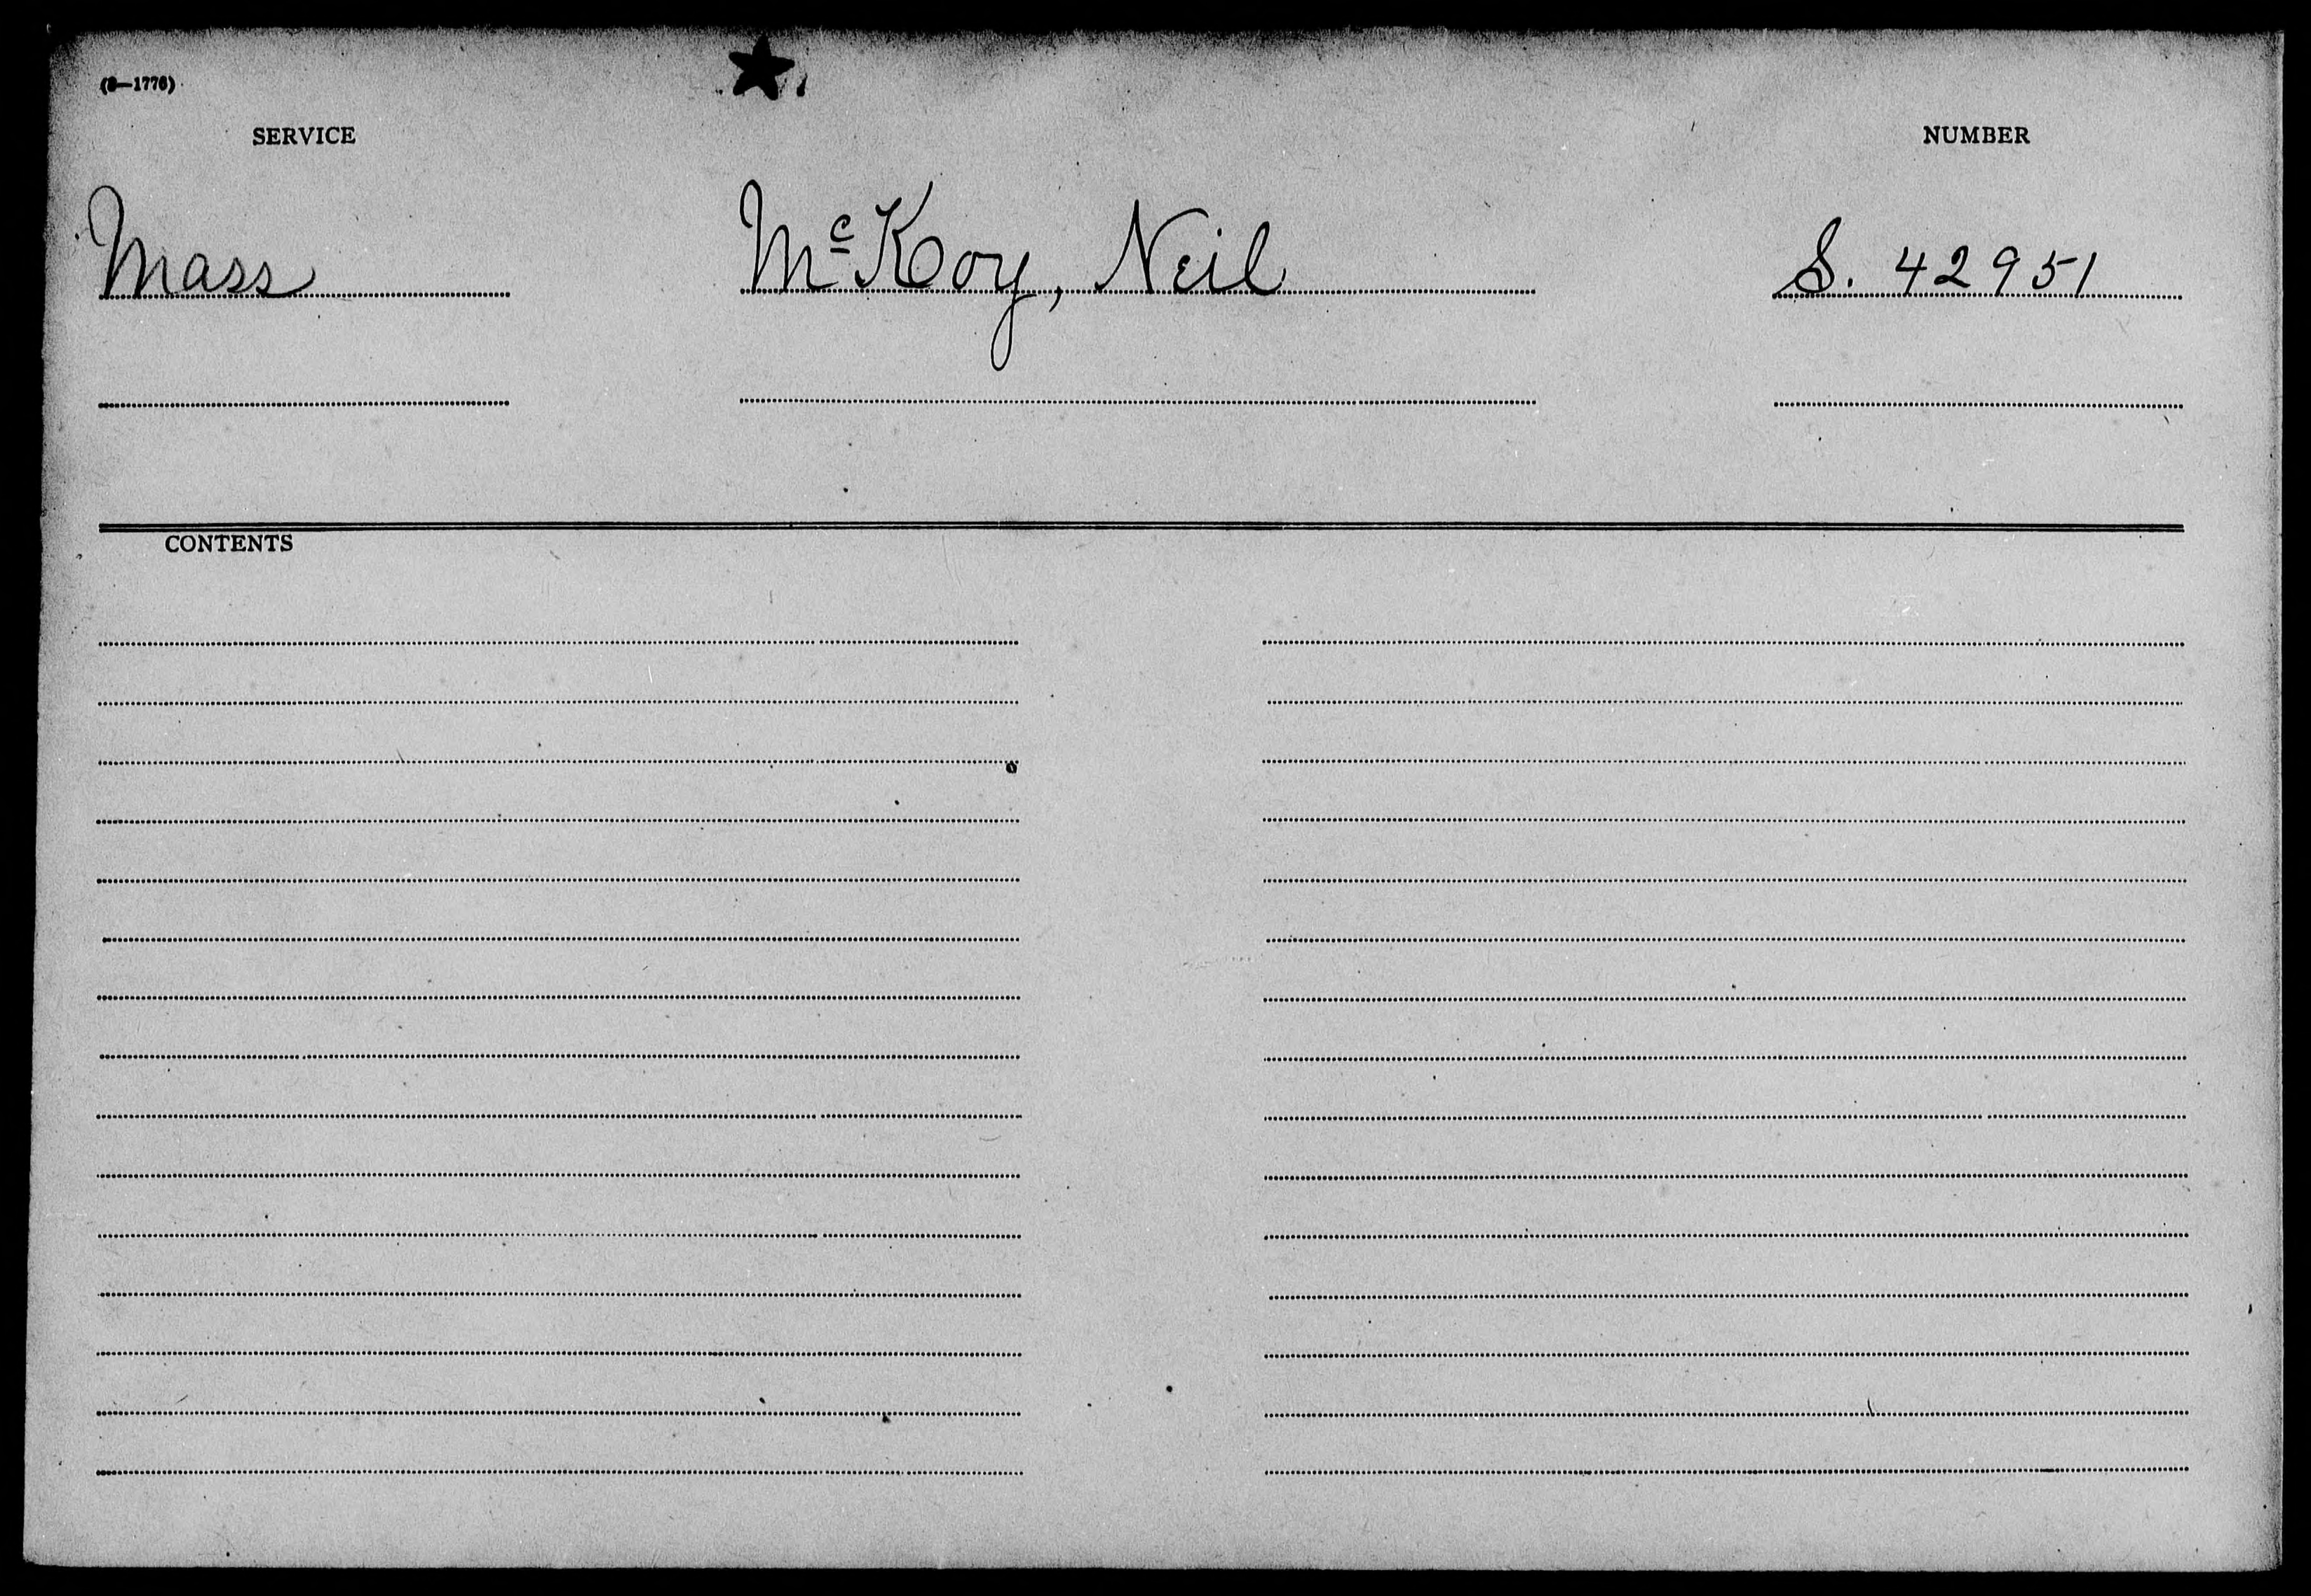Service
Mass
McKoy, Neil
Number
S. 42951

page: 1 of 11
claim: survivor's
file: S. 42951, for Neil Mc Koy, Massachusetts